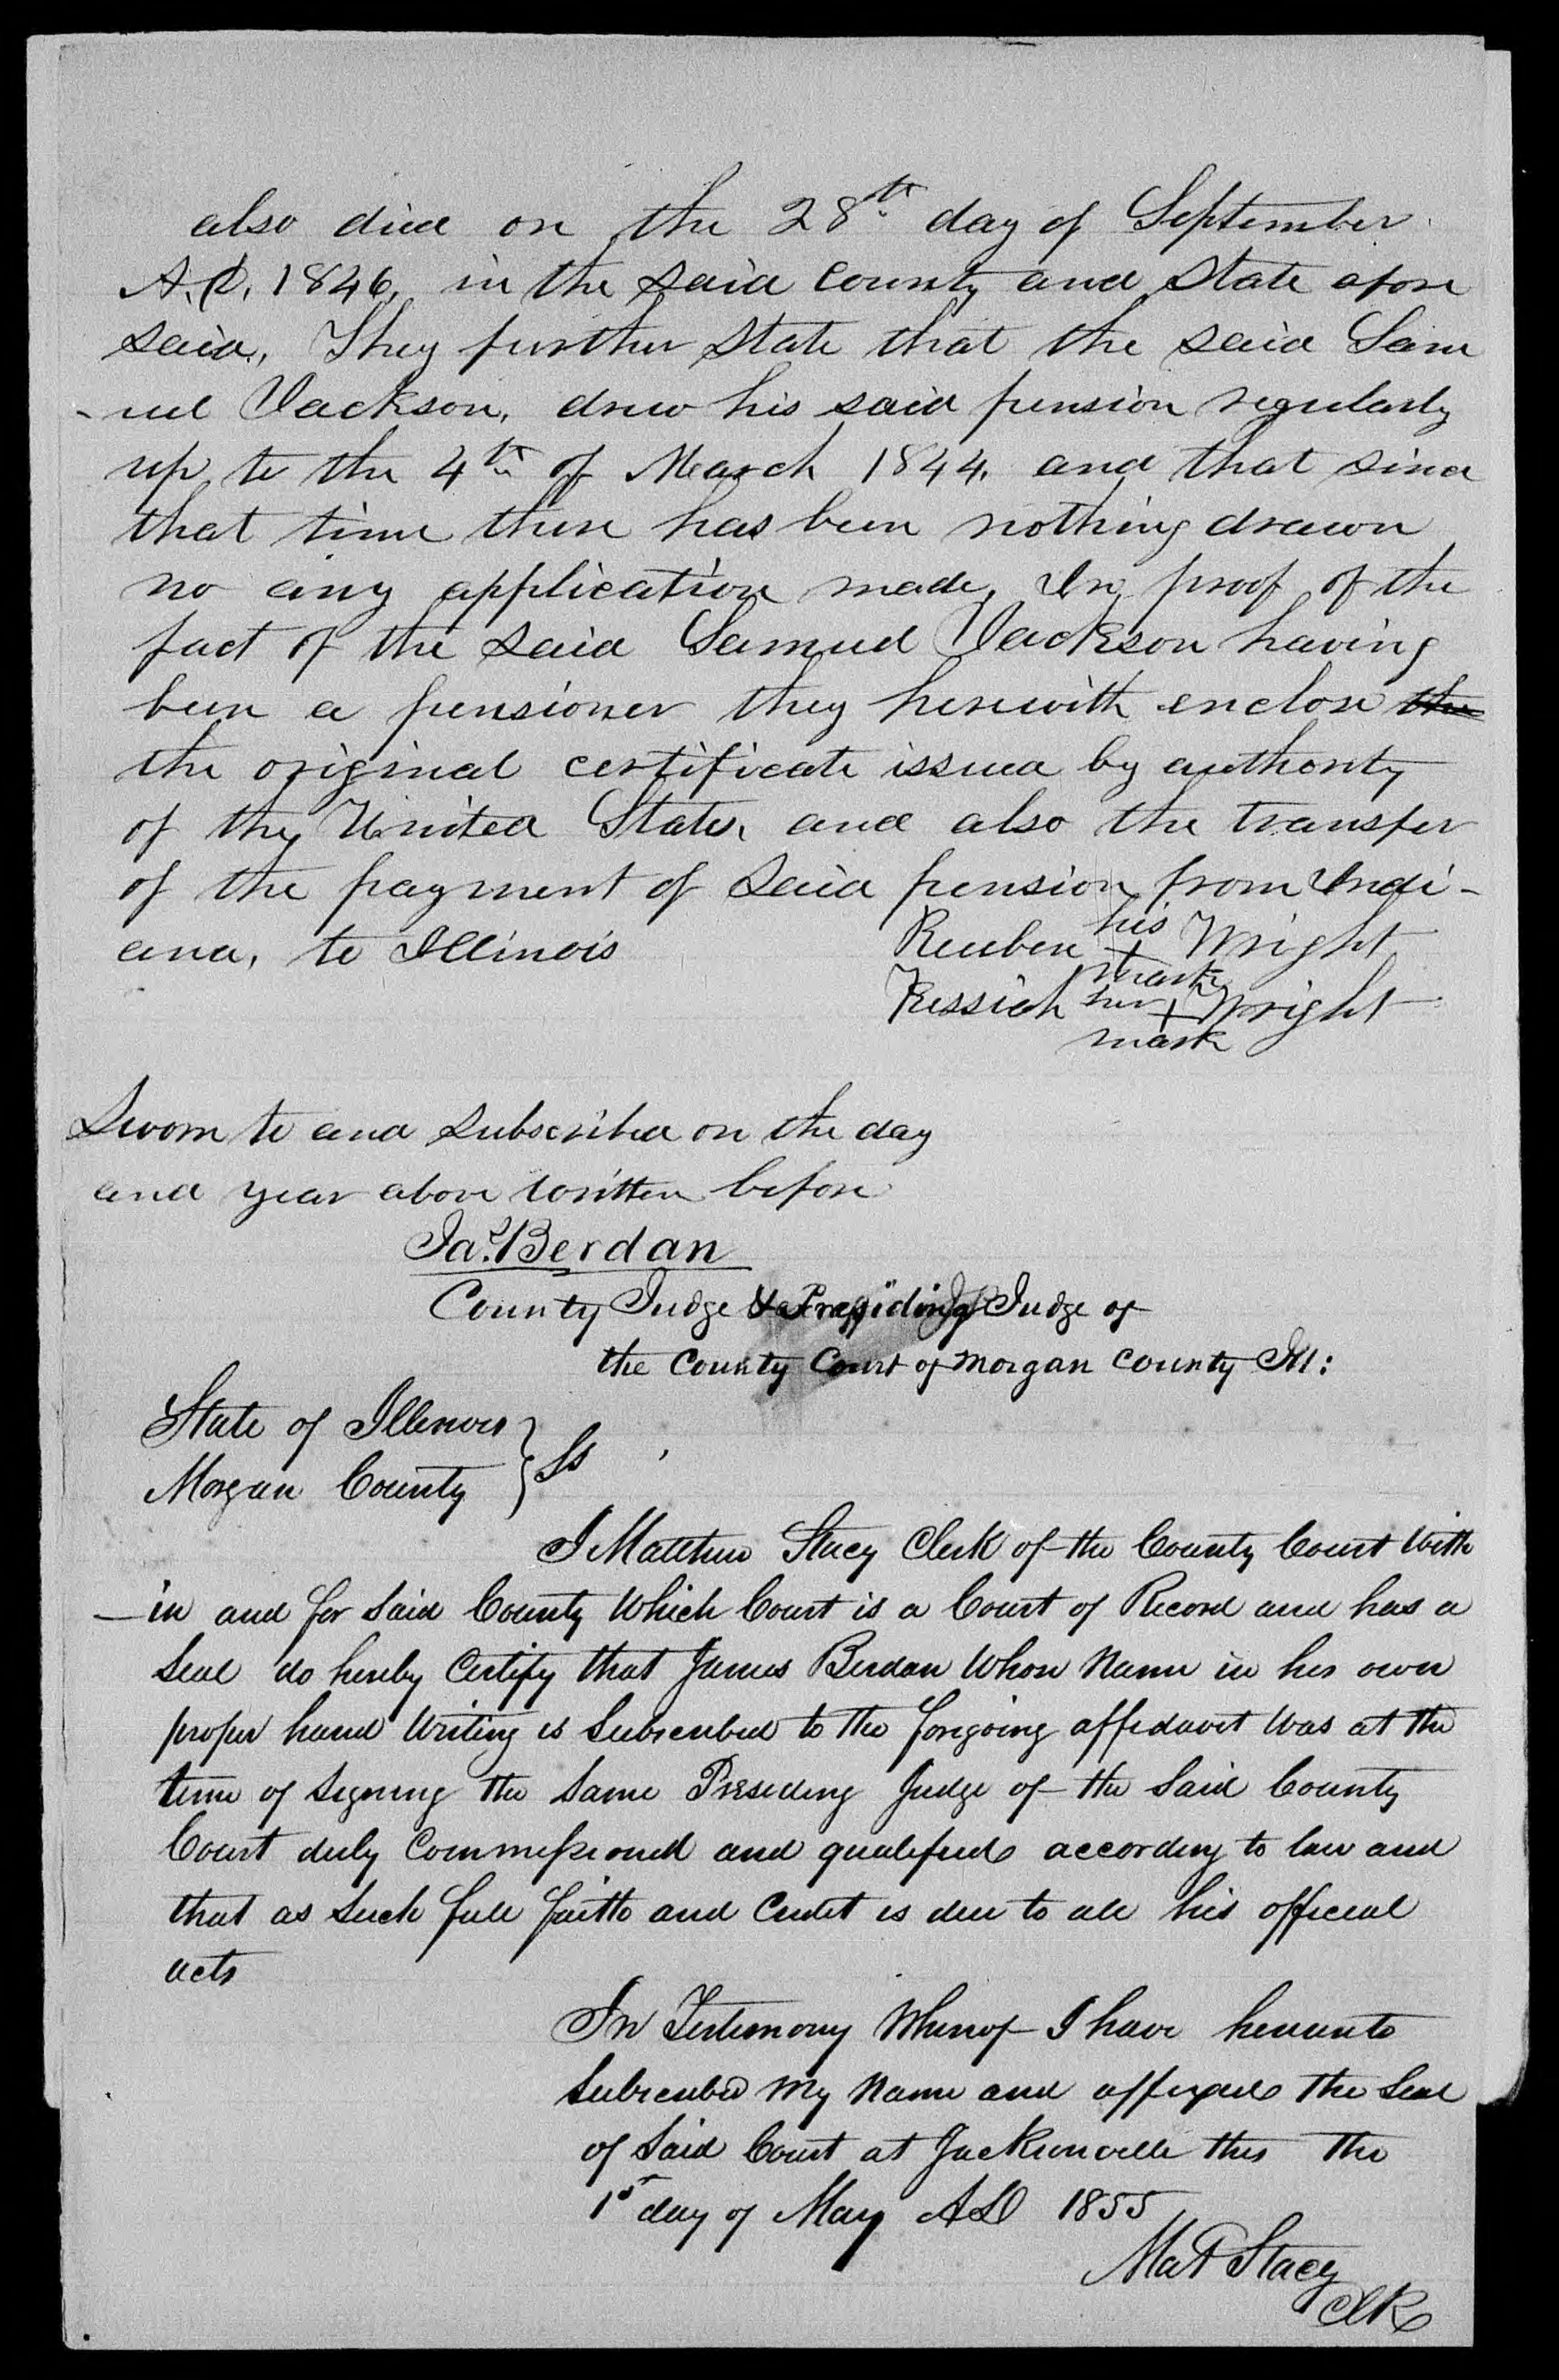also died on the 28th day of September
A.D. 1846, in the said County and State 
aforesaid, They further state that the said Samuel
Jackson, drew his said pension regularly
up to the 4th of March 1844, and that since
that time there has been nothing drawn
no any application made, In proof of the
fact of the said Samuel Jackson having 
been a pensioner they herewith enclose [crossed out:] the
the original certificate issued by authority
of the United States, and also the transfer
of the payment of said pension from Indiana
to Illinois
Reuben X his mark Wright
Kessiah X her mark Wright

Sworn to and subscribed on the day
and year above written before
Jas Berdan
County Judge & Presiding Judge of
the Count Court of Morgan county Ill

State of Illinois
Morgan County} Ss
I Matthew Stacy Clerk of the County Court with
in and for said County which Court is a Court of Record and has a
Seal do hereby certify that James Berdon whose name in his own
proper hand writing is subscribed to the foregoing affidavit was at the
time of signing the same residing Judge of the said County
Court duly commissioned and qualified according to law and
that as such full faith and credit is due to all his official
acts
In Testimony Whereof I have hereunto
Subscribed my name and affixed the Seal
of said Court at Jacksonville this the
1st day of May AD 1885
Mat Stacy
Clk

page: 22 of 56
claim: rejected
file: R 5529, for Samuel Jackson, Virginia